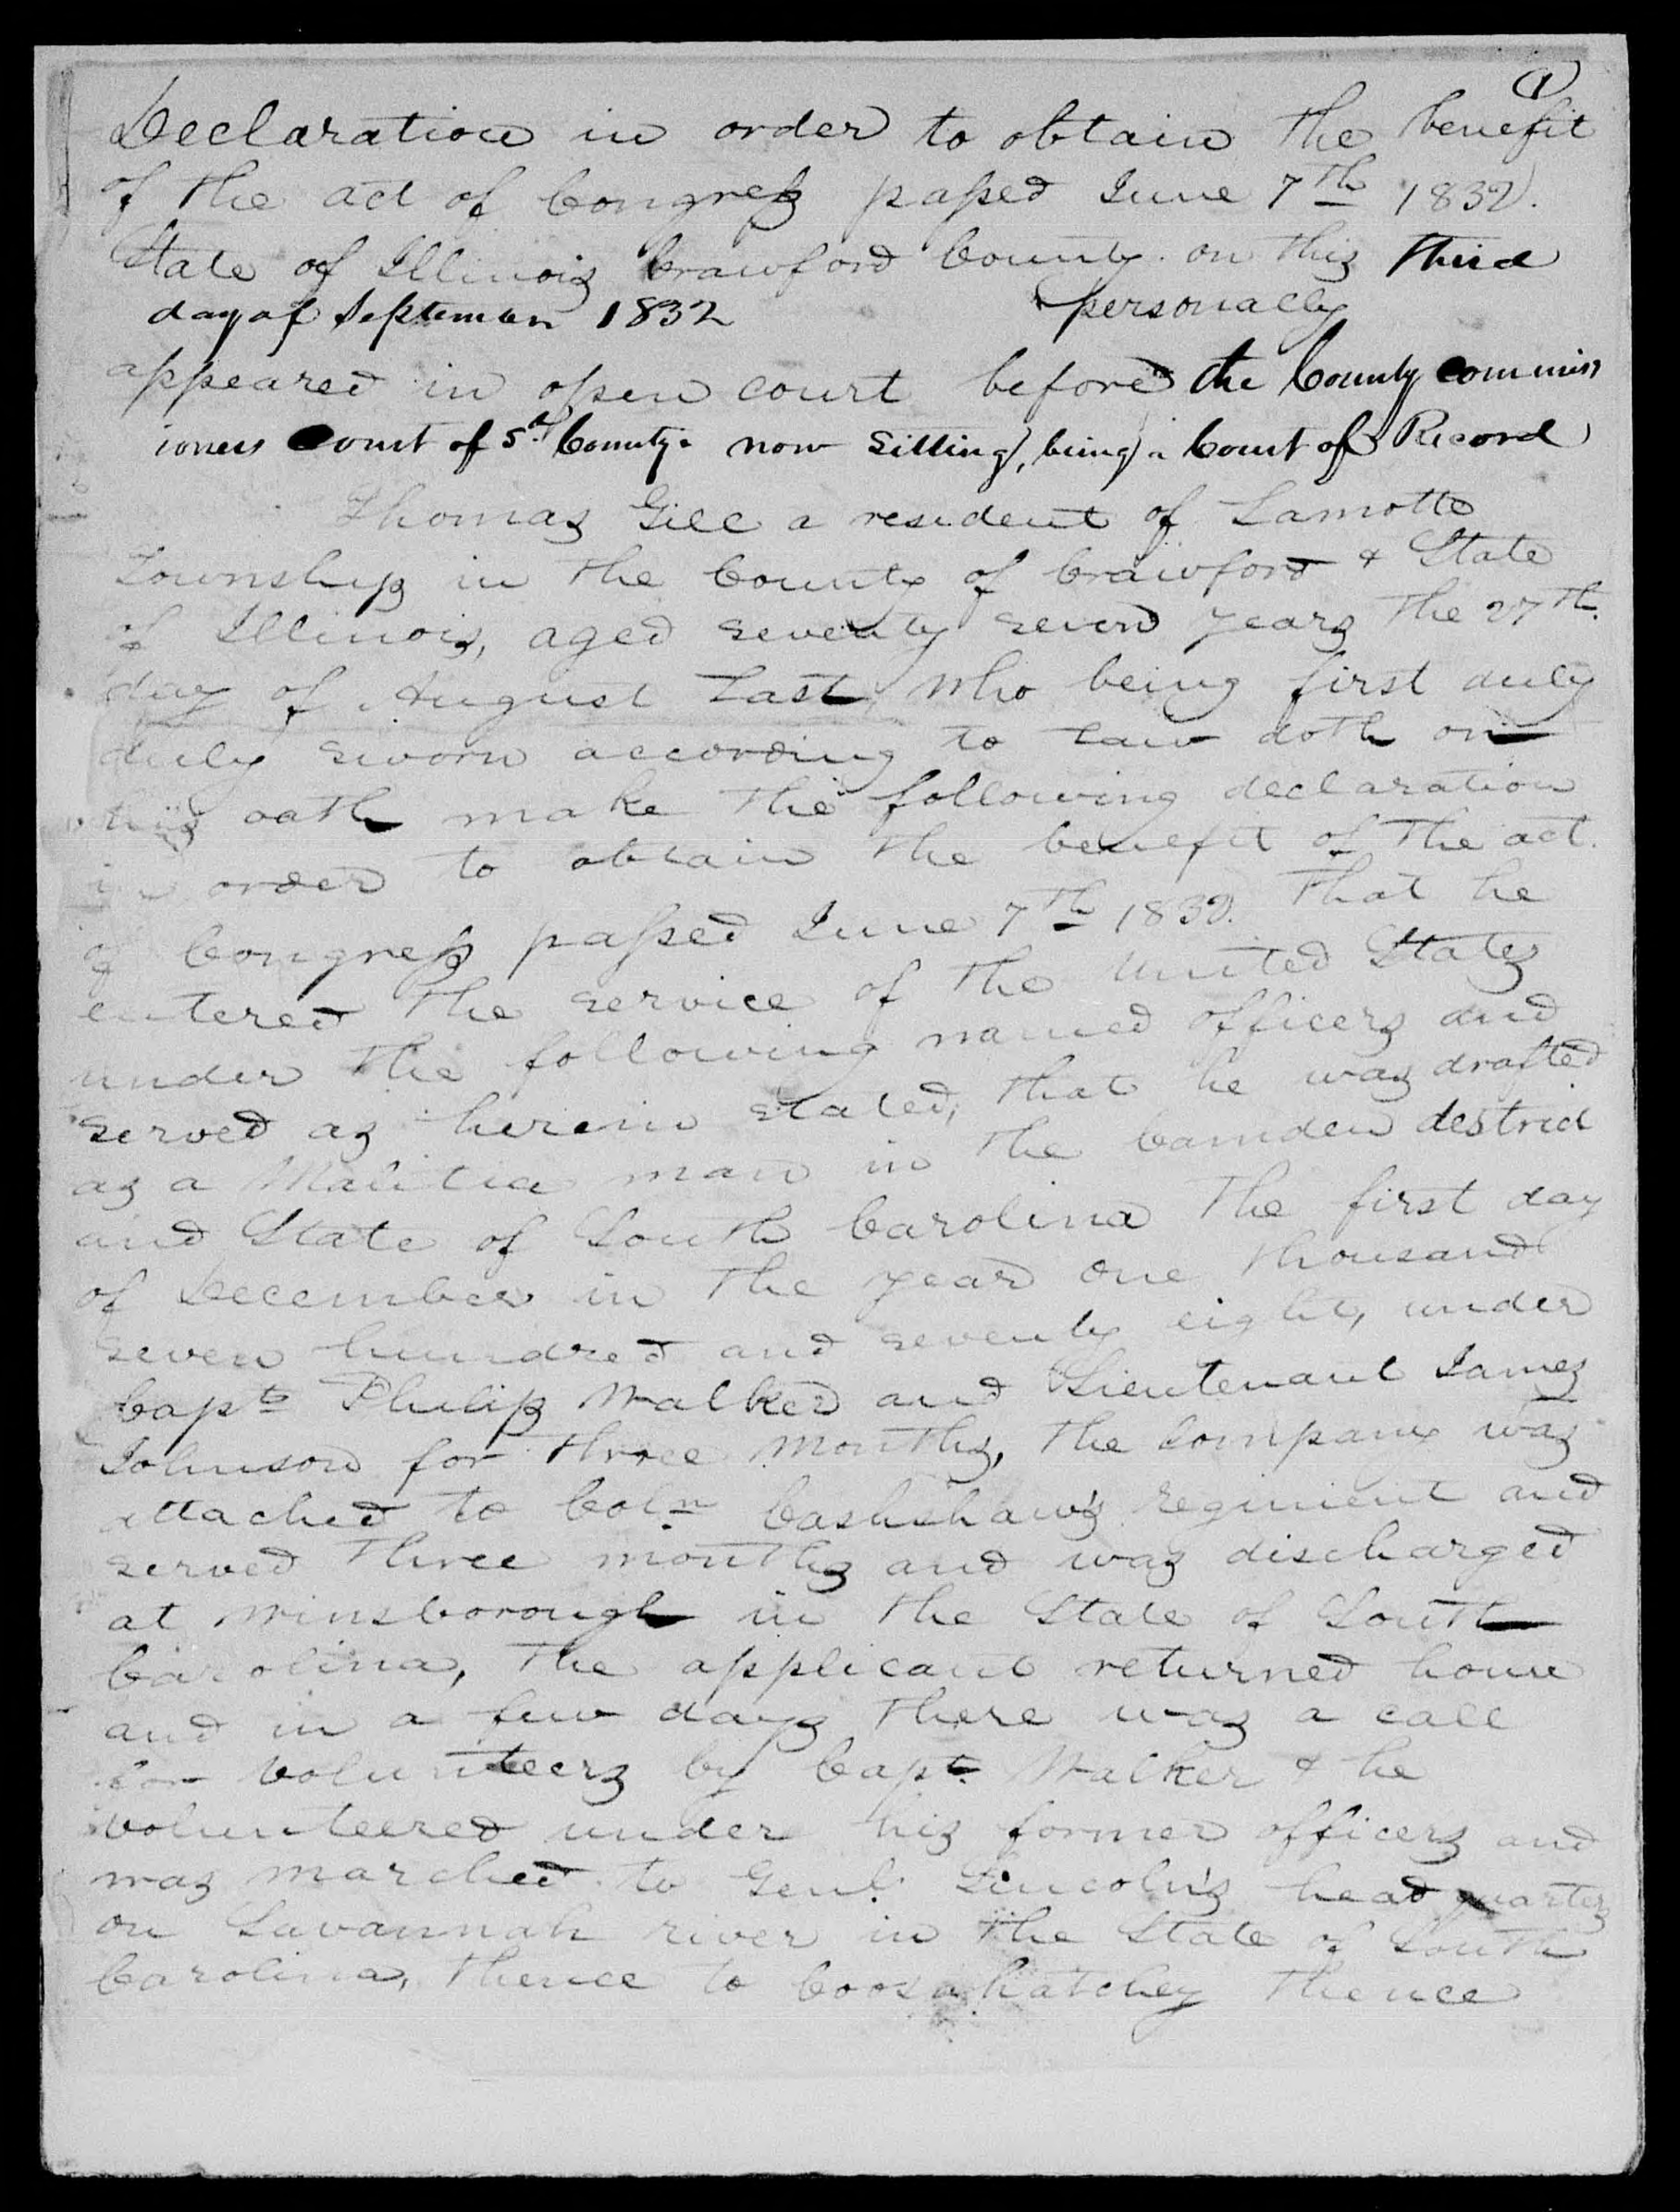(1) Declaration in order to obtain the benefit of the act of Congress passed June 7th  1832. 
State of Illinois Crawford County 
On this third day of September 1832 personally  appeared in open Court  before the County Commissioner's Court  of said County  now sitting, being a Court of Record,  Thomas Gill a resident of Lamotte Township in the County of Crawford & State of Illinois aged seventy seven years the 27th day of August last, who being first duly sworn  according to law doth on his oath make the following declaration  in order to obtain the benefit of the act of Congress passed June 7th 1832. That he entered the service of the United States  under the following named officers and served as  herein stated. that he was drafted as a Militia man in the  Camden District and State of South Carolina the first day of December in the year one thousand seven hundred and seventy eight under Capt. Philip Walker and Lieutenant James Johnson for  three months , the company was attached to  Col. Cashshaw's [Joseph Kershaw] regiment and served three months and was discharged at Winsborough  [Winnsboro] in the  State of South Carolina, the applicant  returned home and in a few days , there was a call for volunteers by  Capt. Walker  & he  volunteered under his former officers and was marched to Genl. [Benjamin] Lincoln's head quarters on Savannah River in the  State of South Carolina , thence to  Coosahatchey [Coosawhatchie River] , thence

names: Philip Walker, Walker, James Johnson, Thomas Gill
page: 7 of 44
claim: survivor's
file: S. 31,061, Thomas Gill, S.C.